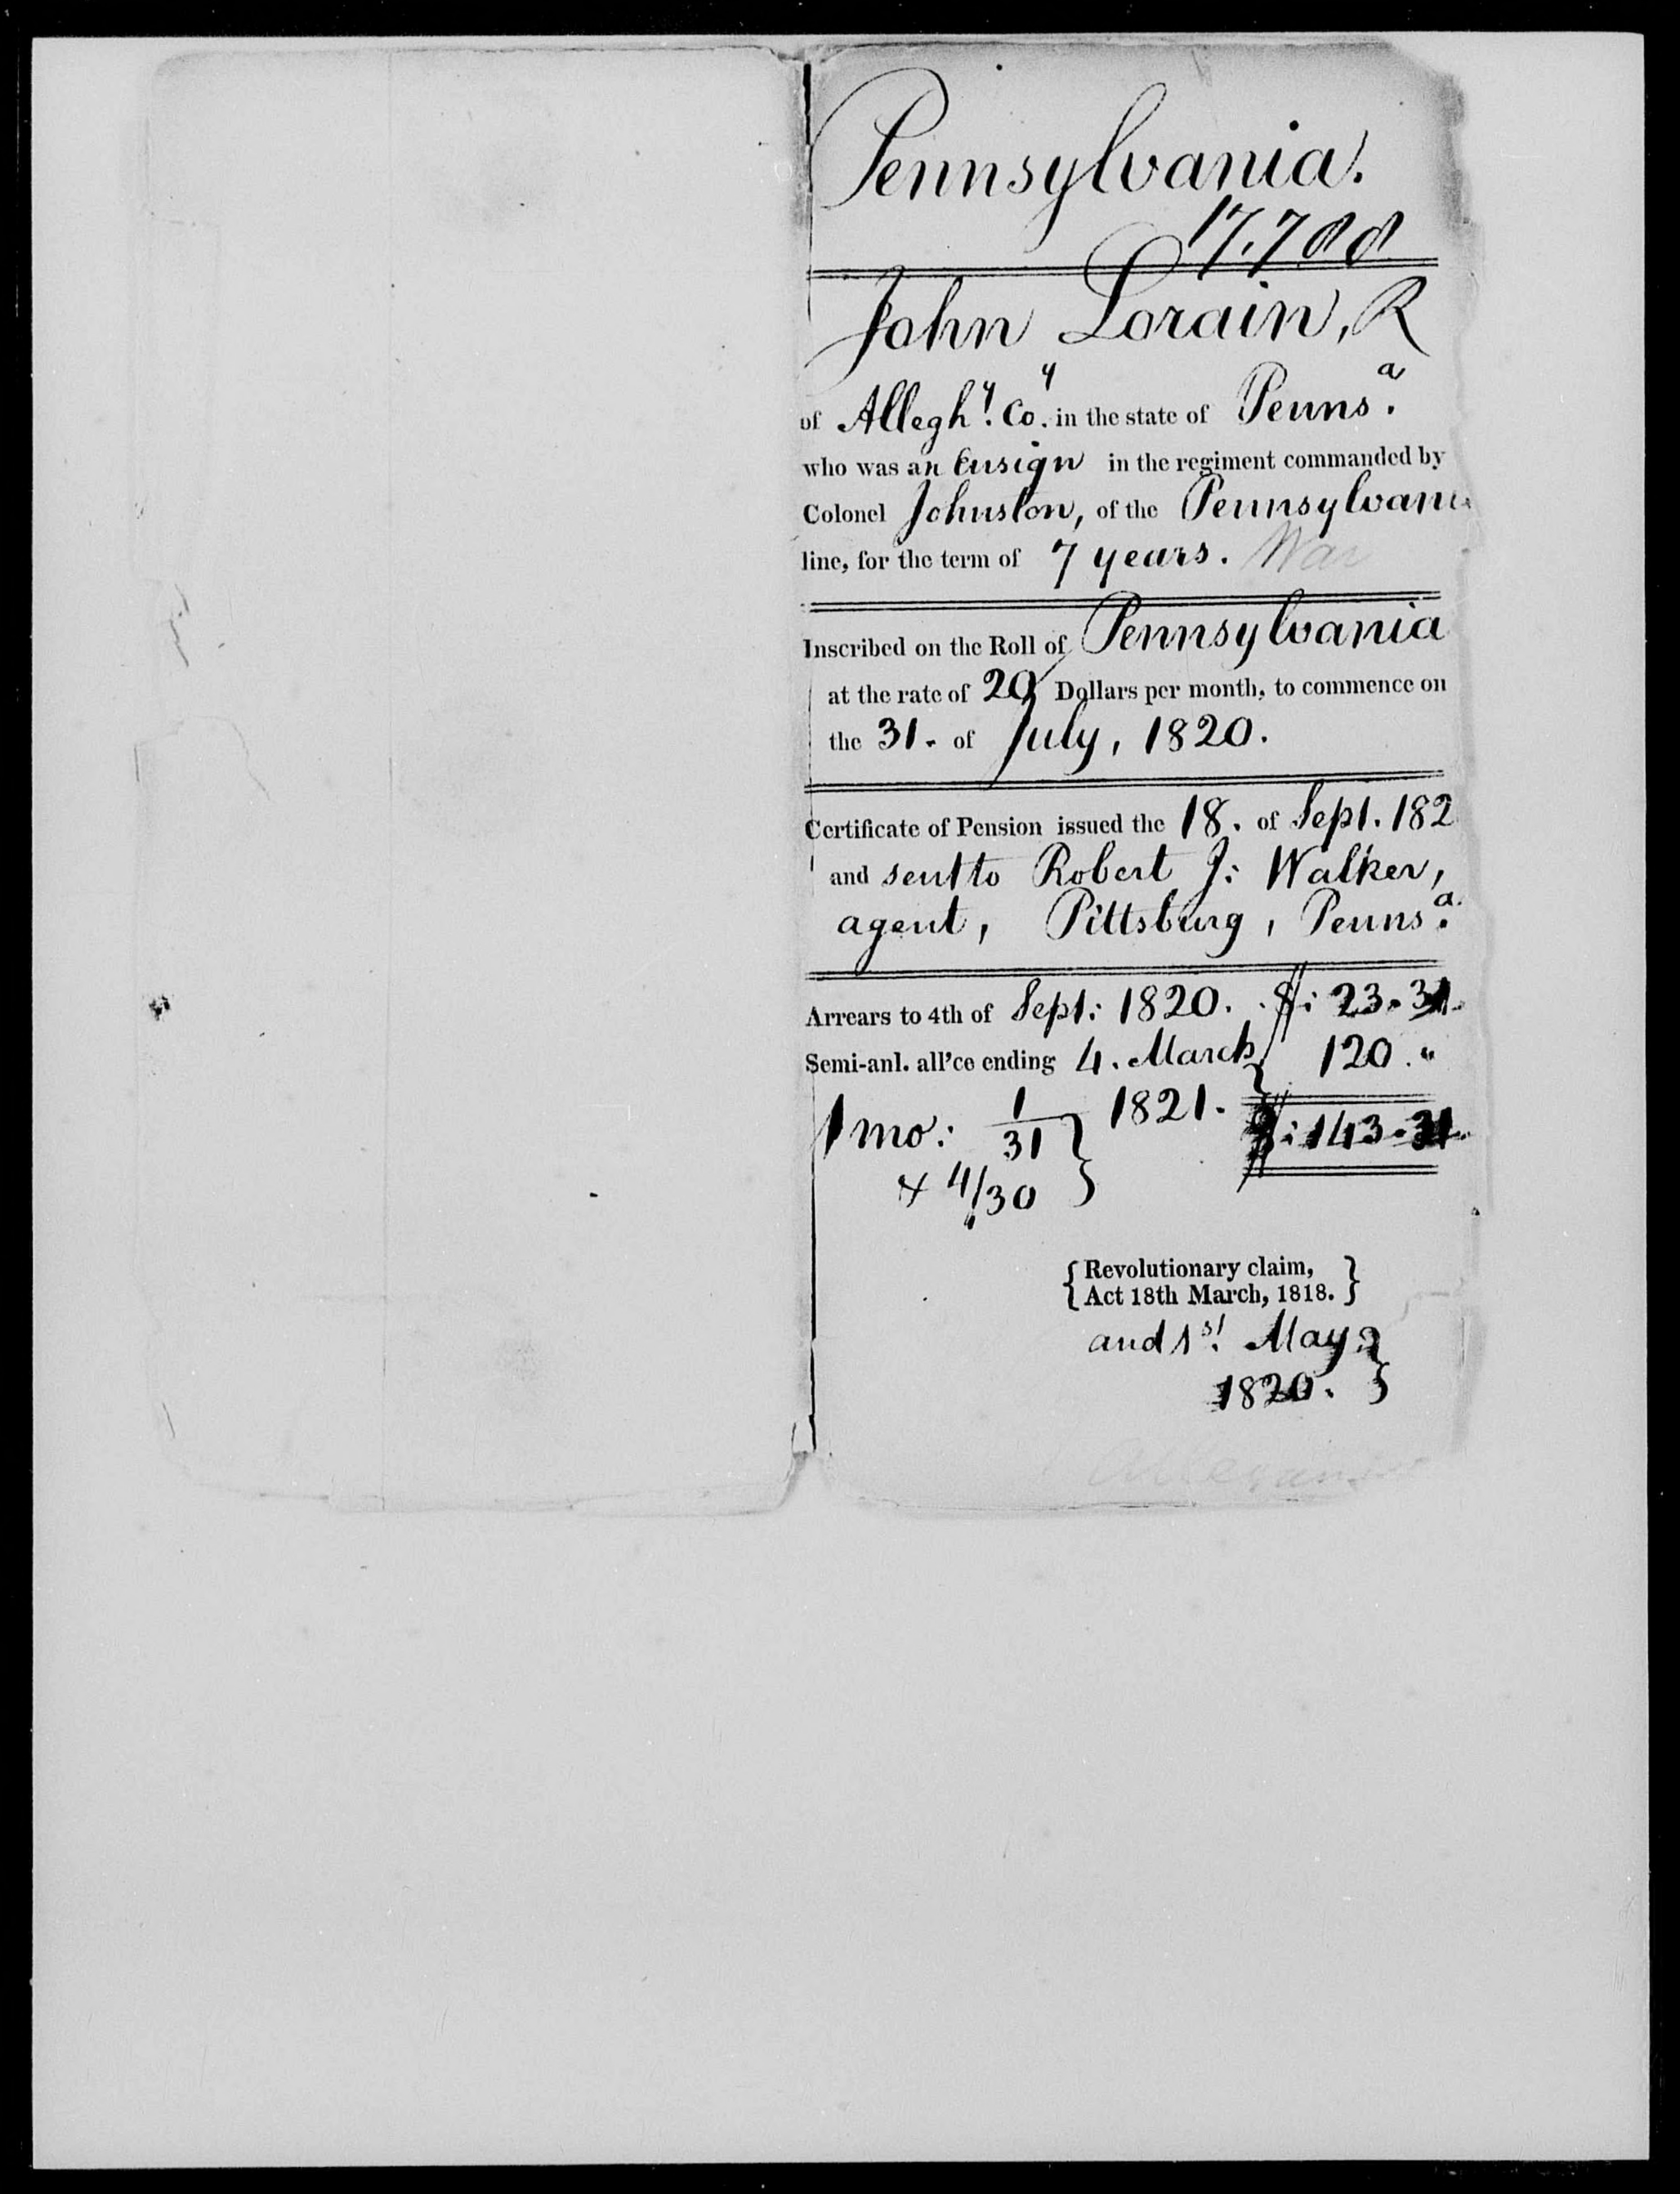Pennsylvania.
17.700

John Lorain, R
of Alleghany Co in the state of Pennsa [Pennsylvania] who was an Ensign in the regiment commanded by Colonel Johnston, of the Pennsylvania line, for the term of 7 years.  War

Inscribed on the Roll of Pennsylvania at the rate of 20 Dollars per month, to commence on the 31. of July, 1820.

Certificate of Pension issued the 18. of Sept. 182 [date illegible due to torn edge of paper] and sent to Robert J. Walker, agent, Pittsburg, Pennsa. [Pennsylvania].

Arrears to 4th of Sept. 1820. $23.31
Semi-anl. all'ce ending 4. March 1821}   120.31 
  143.31     $143.31

1 mo. 1/31 x 4/30

{Revolutionary claim, Act 18th March, 1818}
and [illegible] May [illegible] 1820}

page: 2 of 21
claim: survivor's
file: S. 40,098, for John Lorain, Pennsylvania